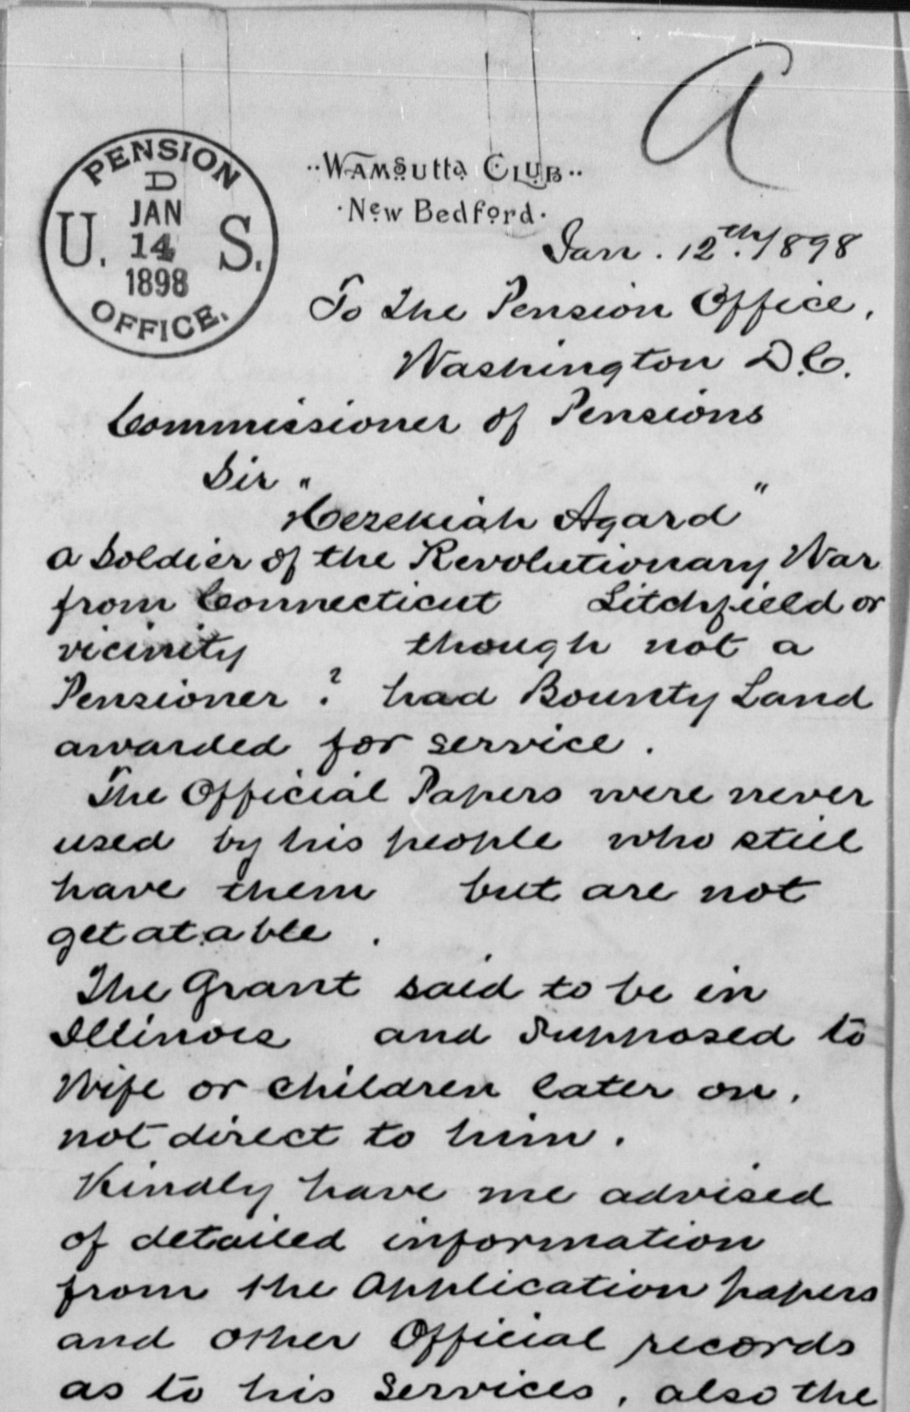U.S. Pension Office Jan 14 1898
A
Wamsutta CLUB-
New Bedford-
Jan. 12th 1898
To the Pension Office,
Washington D.C.
Commissioner of Pensions
Sir,
"Hezekiah Agard" 
a soldier of the Revolutionary War 
from Connecticut Litchfield or 
vicinity though not a 
Pensioner had Bounty Land 
awarded for service.
The Official papers were never
used by his people who still
have them but are not
getatable.
The grant said to be in
Illinois and supposed to
wife or children later on,
not direct to him.
Kindly have me advised
of detailed information
from the application papers
and other Official records
as to his services, also the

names: Hezekiah Agard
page: 18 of 19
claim: survivor's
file: S. 23,092, Hezekiah Agard, Conn.